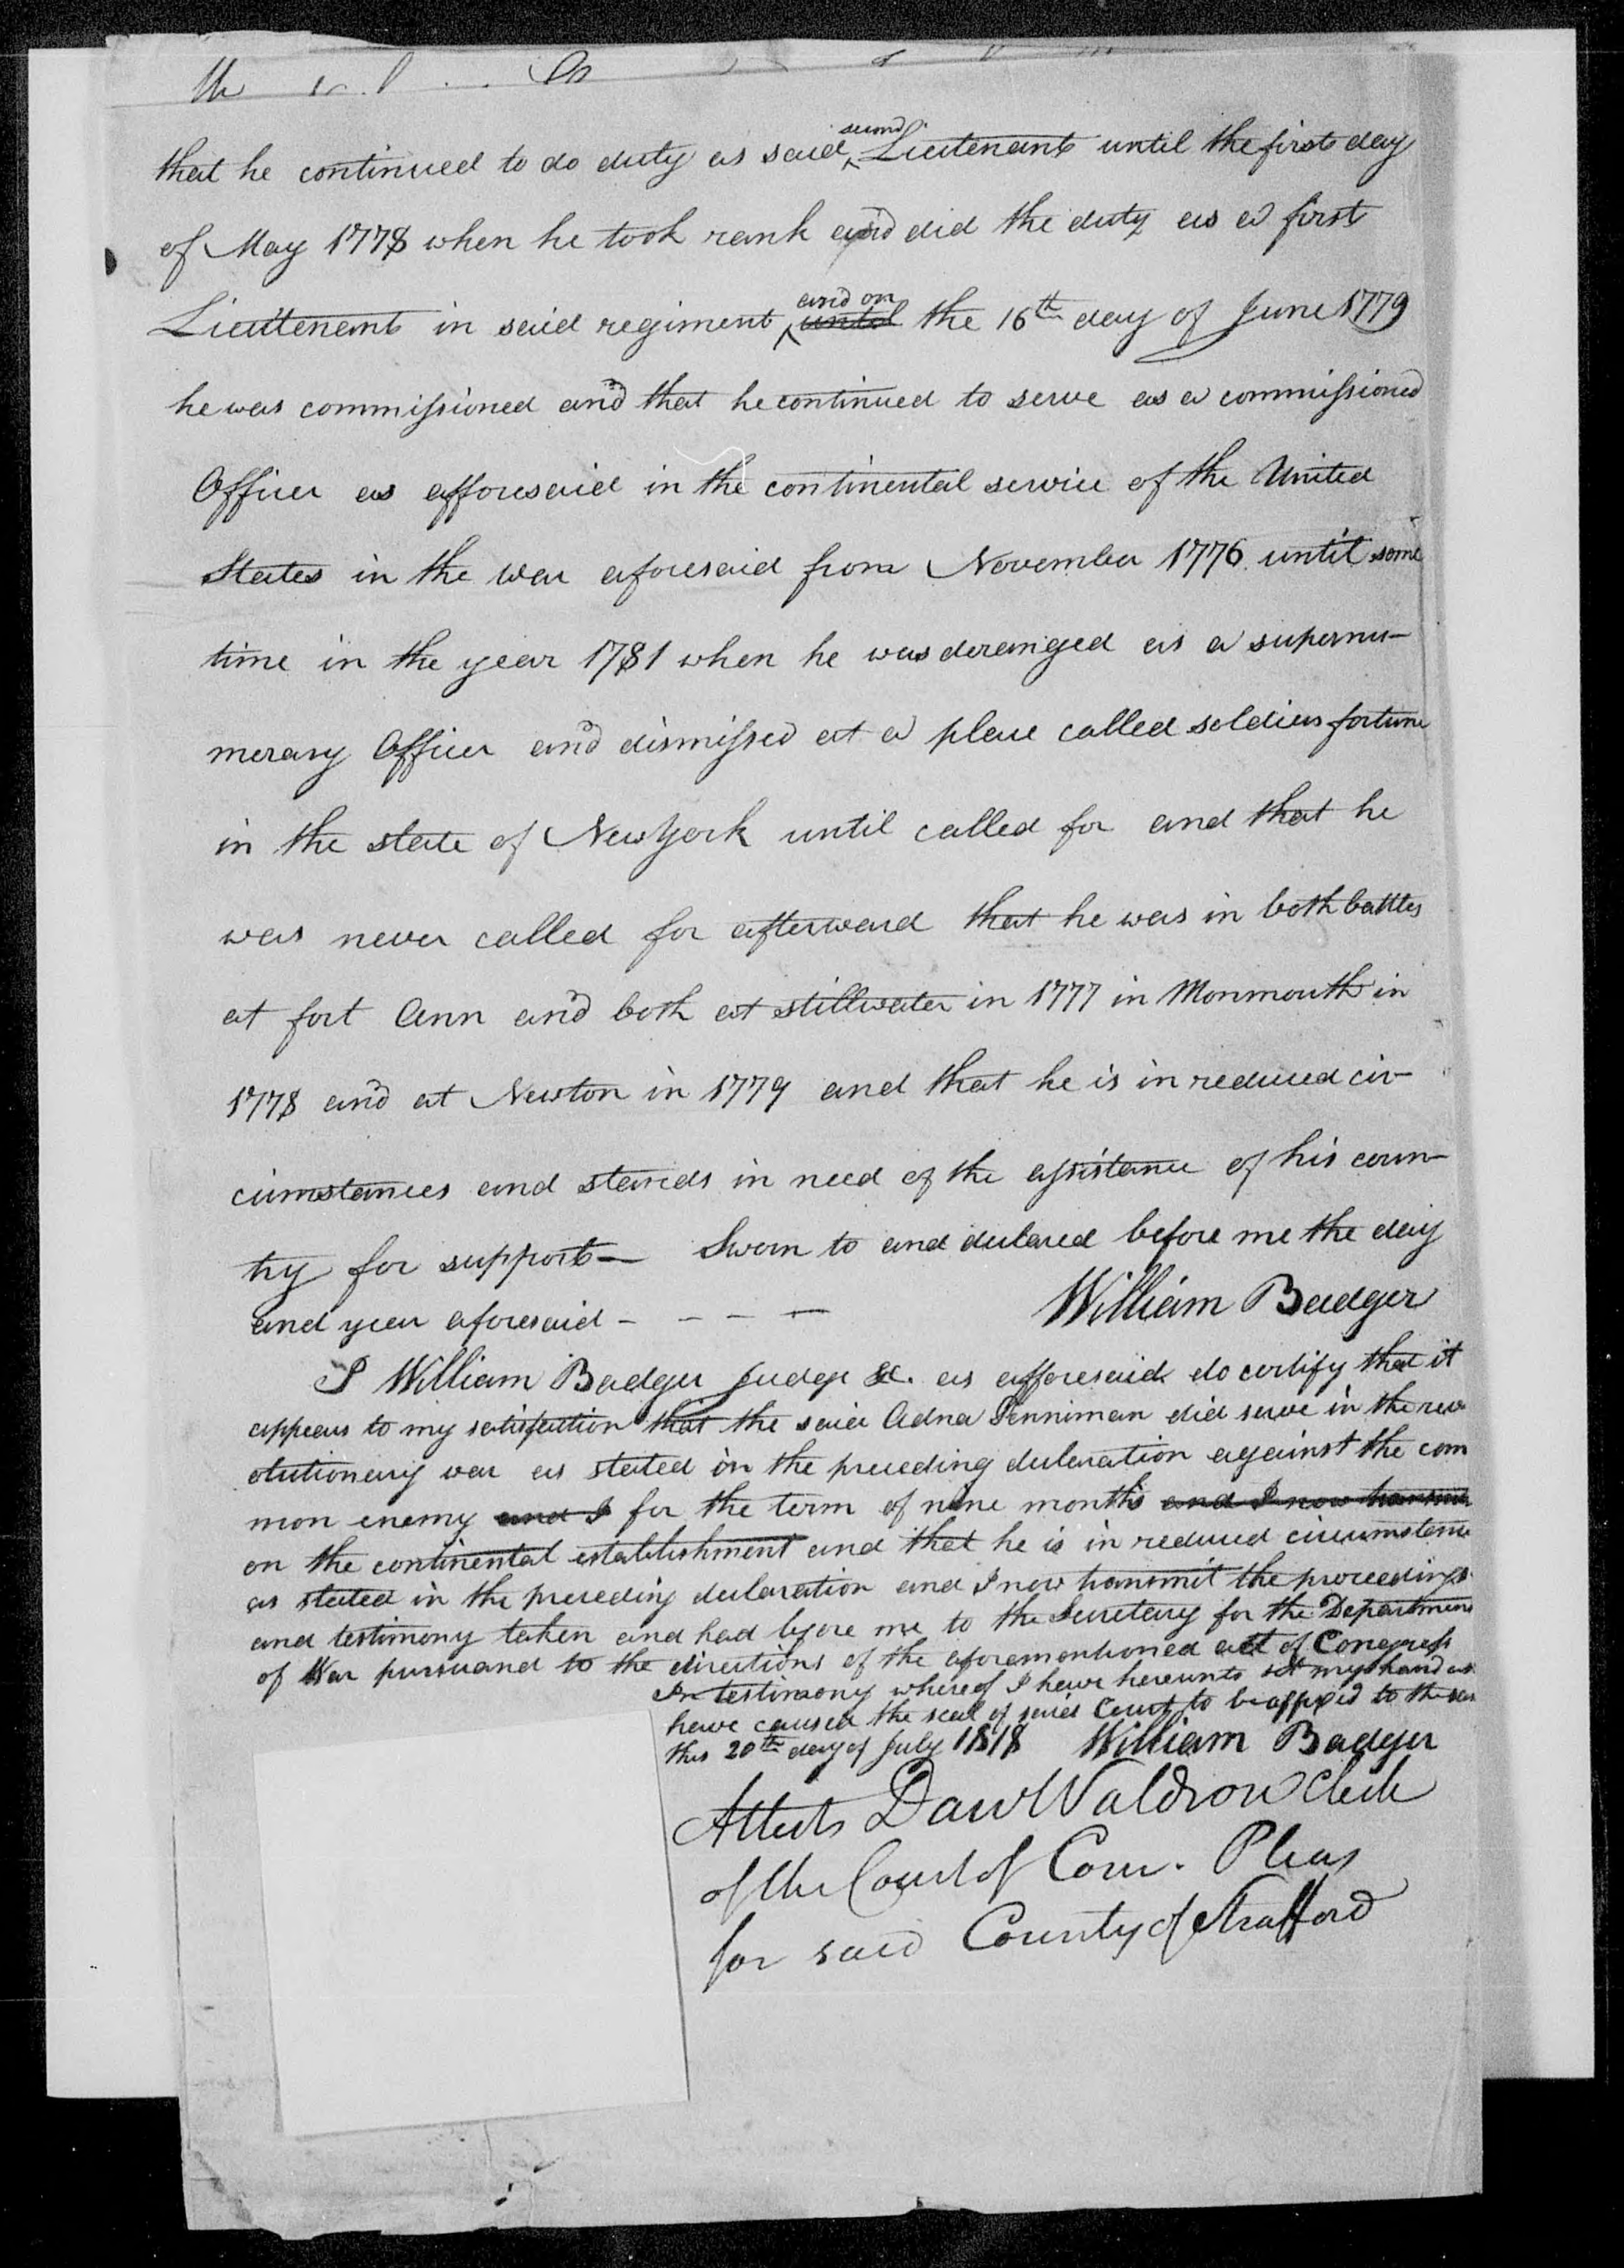that he continued to do dute as said second Lieutenant until the first day
of May 1778 when he took rank and did the duty as a first
Lieutenant in said regiment and on the 16th day of  June 1779
he was commissioned and that he continued to serve as a commissioned 
officer as afforesaid in the continental service of the United
States in the war aforesaid from November 1776 until some
time in the year 1781 when he was [illegible] as a summary
Officer and dismissed at a place called soldiers fortune
in the state of New York until called for and that he
was never called for afterward that he was in both battles
at Fort Ann and both at Stillwater in 1777 in Monmouth in
1778 and at Newton in 1779 and that he is in 
reduced circumstances and [illegible] in need of the assistance of his country
for support.  Sworn to and declared before me the day
and year aforesaid -------- William Badger
I William Badger Judge [illegible] as afforesaid do certify that it
appears to my satisfaction that the said Adna Penniman did serve in the revolutionary
war as stated in the preceding declaration against the common
enemy for the term of nine months 
on the continental establishment and that he is in reduced circumstances as in the preceding declaration and I now transmit the proceedings
and testimony taken and had before me to the Secretary for the Department 
of War pursuant to the directions of the aforementioned Act of Congress.
In testimony whereof I have hereunto set my hand and
have caused the seal of said Court to be affixed to the this [illegible]
This 20th day of July 1818. William Badger
Attests Dan Waldron Clerk
of the Court of Com. Pleas
for said County of Strafford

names: Danl Waldson; Adna Penniman; William Badger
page: 4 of 13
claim: survivor's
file: S. 45065, for Adna Penniman, Massachusetts